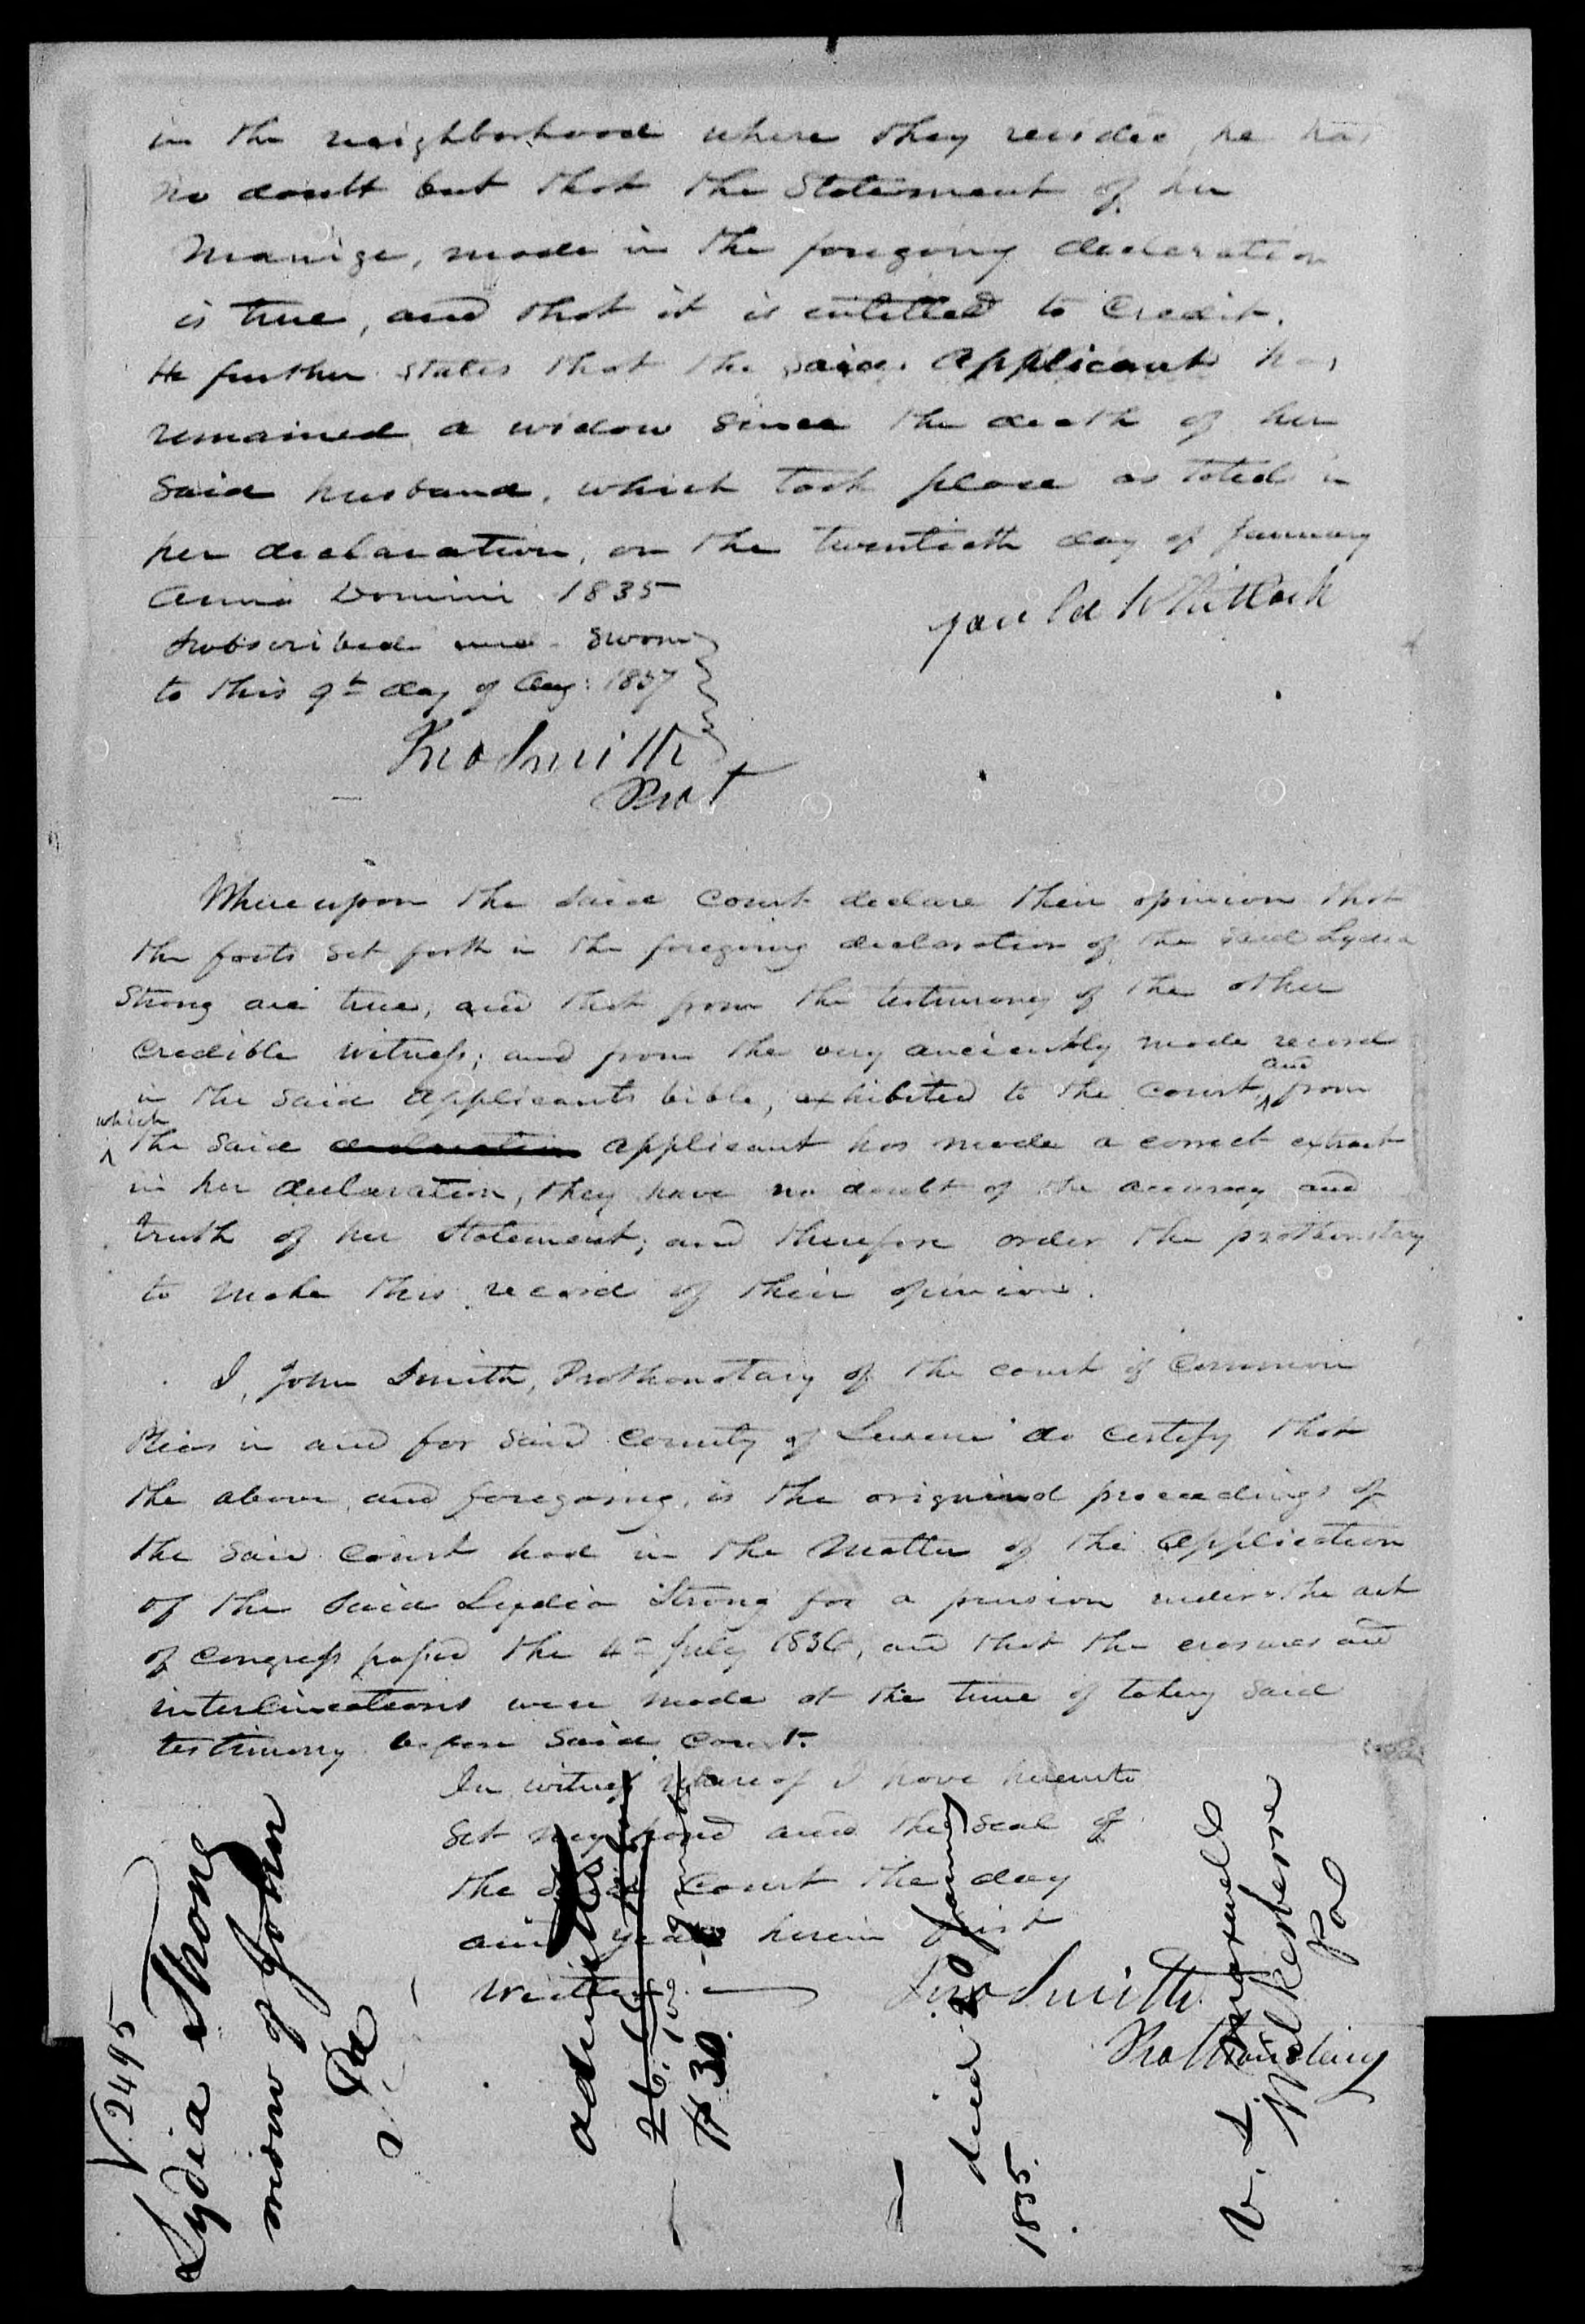in the neighborhood where they resides he has no doubt but that the statement of her Marrige, made in the foregoing declaration is true, and that it is entitled to credit. He further states that the said applicant her remained a widow since the death of her said husband, which took place as toted her declaration, on the twentieth day of January Anno Domini 1835
[signed] Gould Whitlock
Subscribed sworn to this 9th day of Aug. 1837 [John] Smith  Prot

Whereupon the said Court declare their opinion that the facts set forth in the foregoing declaration of the said Lydia Strong are true, and that from the testimony of the other credible witness; and from the very anciently made record in the said applicants bible, exhibited to the court and from which the said applicant has made a correct extract in her declaration, they have no doubt of the accuracy and truth of her Statement; and therefore order the prothonotary to make this record of their opinion 
I, John Smith, Prothonotary of the Court of Common Pleas in and for said County of Lewis do certify that the above, and foregoing, is the original proceedings of the said Court had in the matter of the application of the said Lydia Strong for a pension under the act of Congress passed the 4 July 1836, and that the erasures and interlineations were made of the time of taking said testimony before said Court.
 In witness whereof I have hereunto set my hand and the seal of the said Court the day and year therein first written
[signed] [John] Smith
Prothonotary

[VERTICAL TEXT]
V2495
Lydia Strong
Widow of John
Pa
[illegible]
[26. 66/100, crossed out]
$30. Quarter
Died 20 January 1835
V. S. Maxwell
Wilkesbarre
Pa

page: 9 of 33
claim: widow's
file: W. 4592, for John Strong, New York